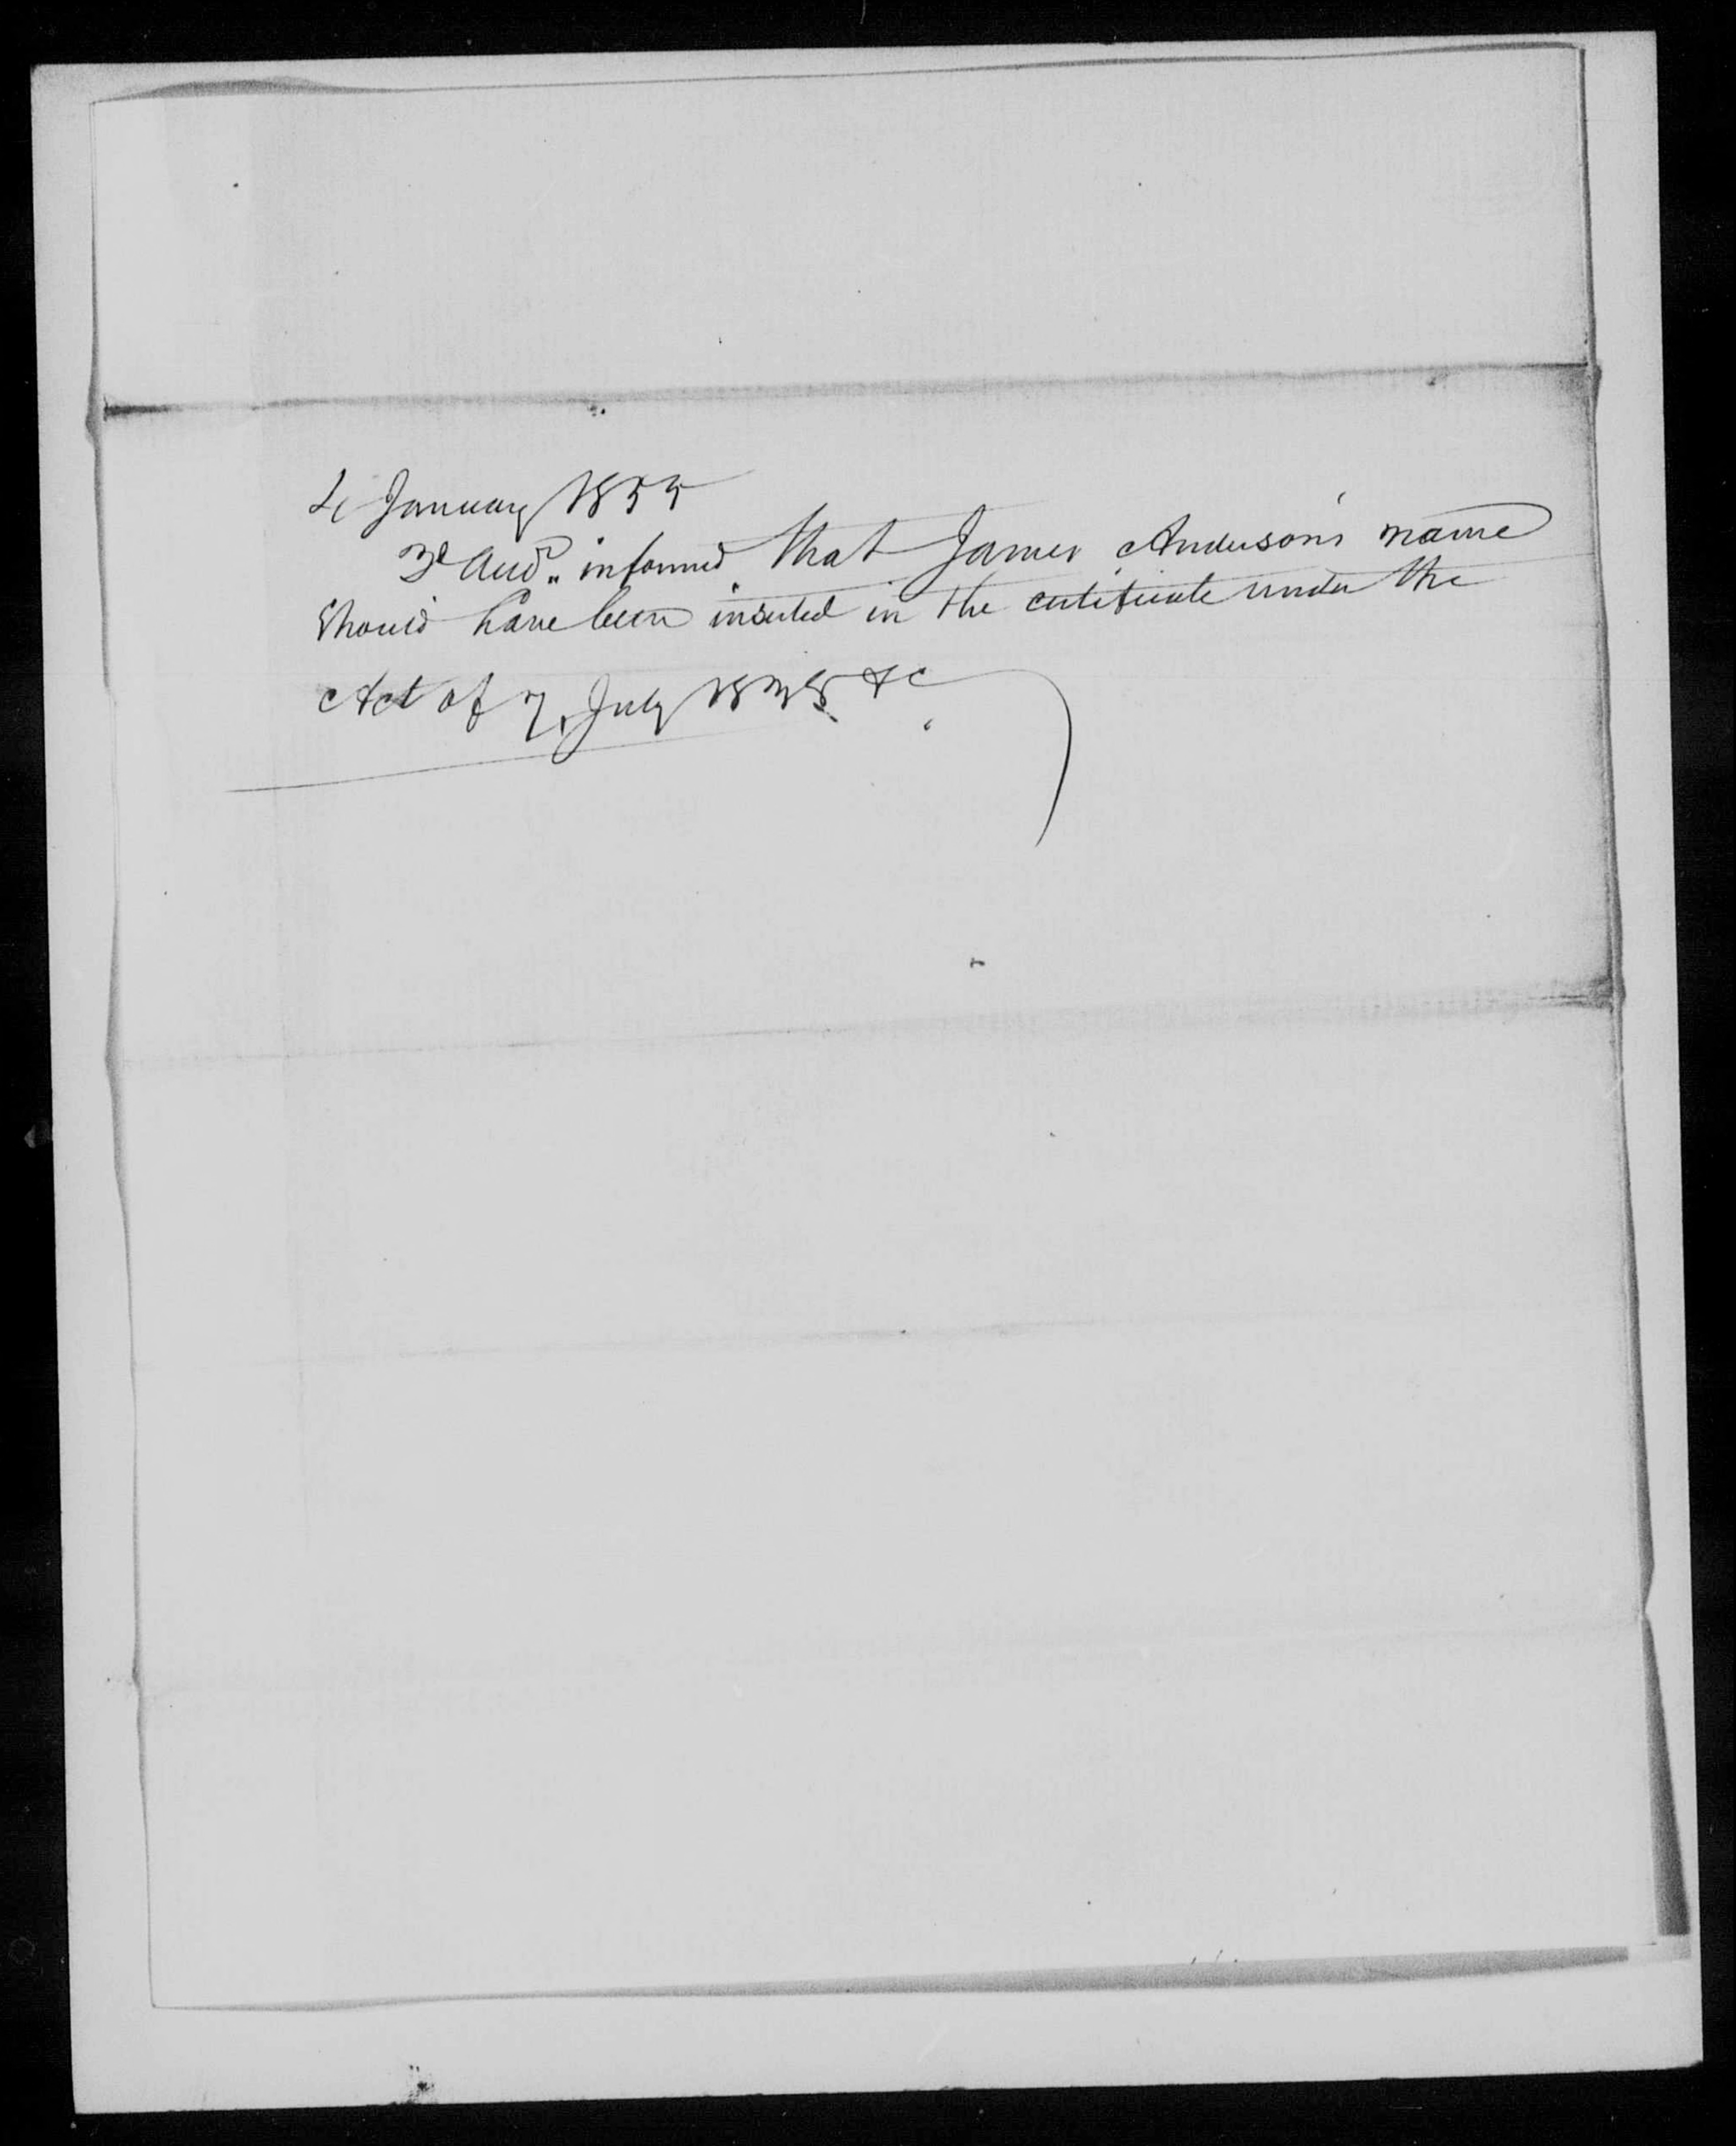4 January 1855
3rd Audr. informed that James Anderson's name should have been inserted in certificate under the Act of 7 July 1838 &c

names: James Anderson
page: 40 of 51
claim: widow's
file: W. 9700, Denney Anderson, S.C.